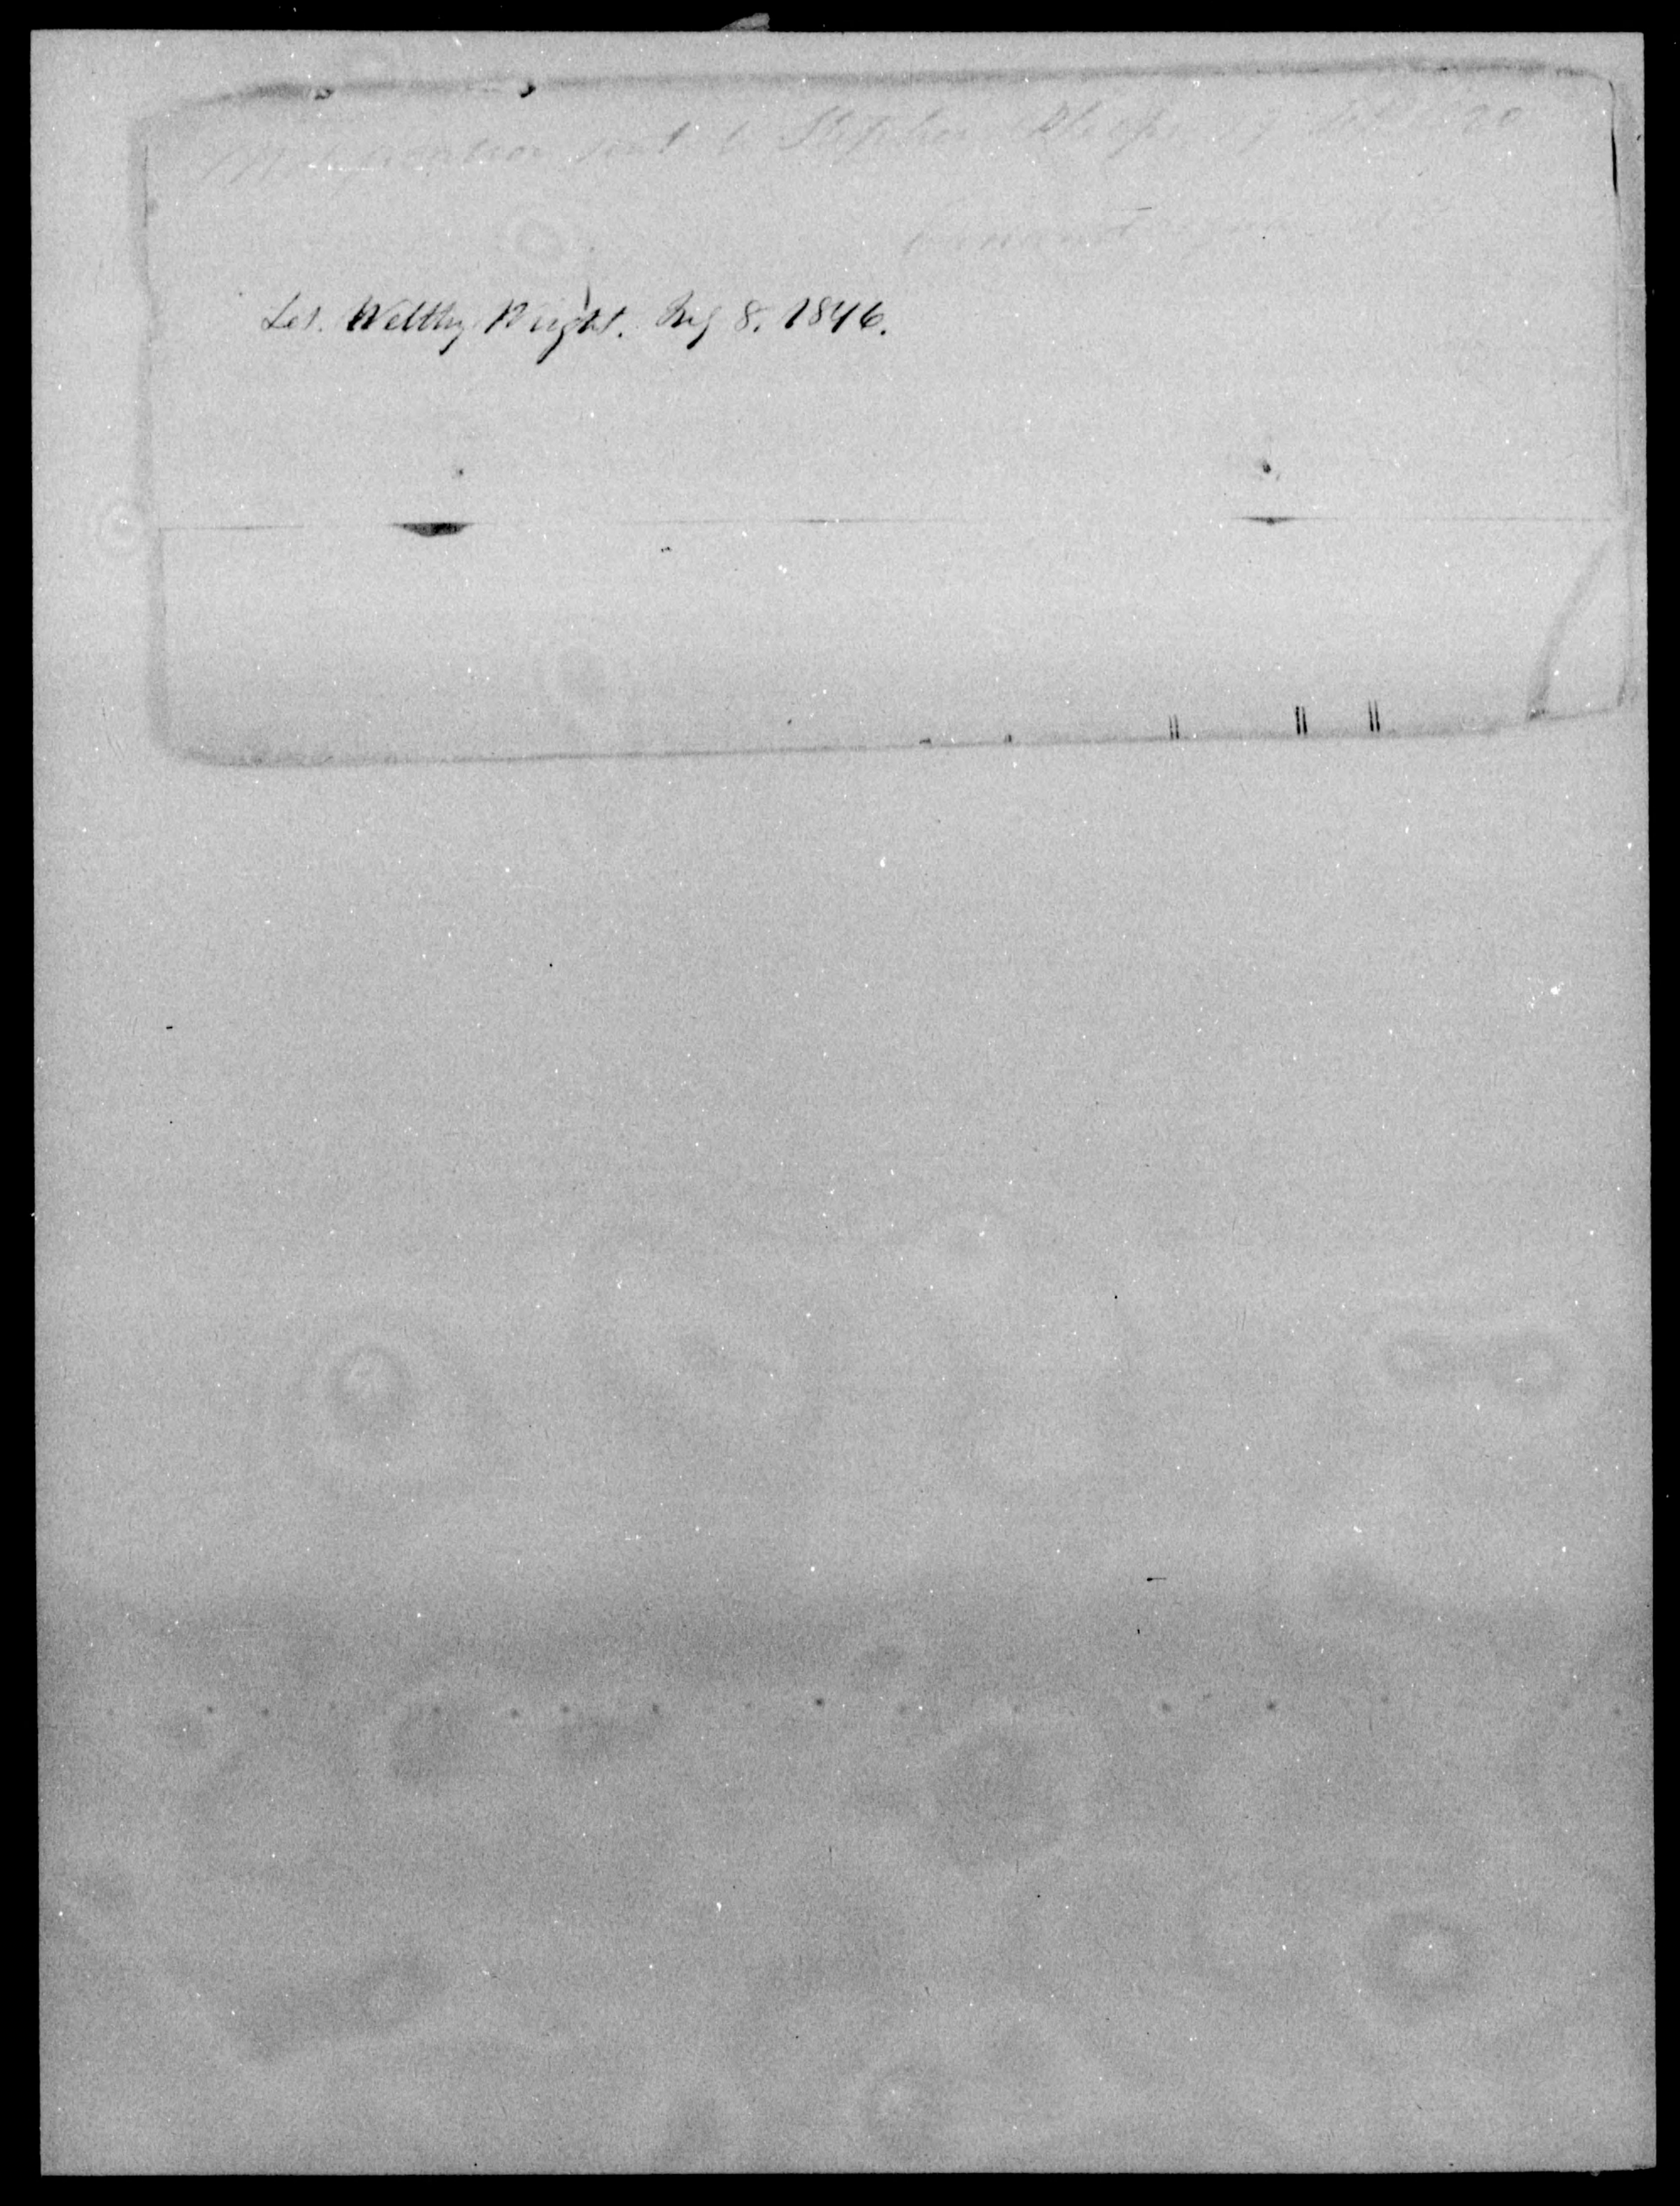Let. Welthy Wright. Jny 8. 1846.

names: Welthy Wright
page: 3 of 20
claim: survivor's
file: S. 43891, for Daniel Ray, Connecticut